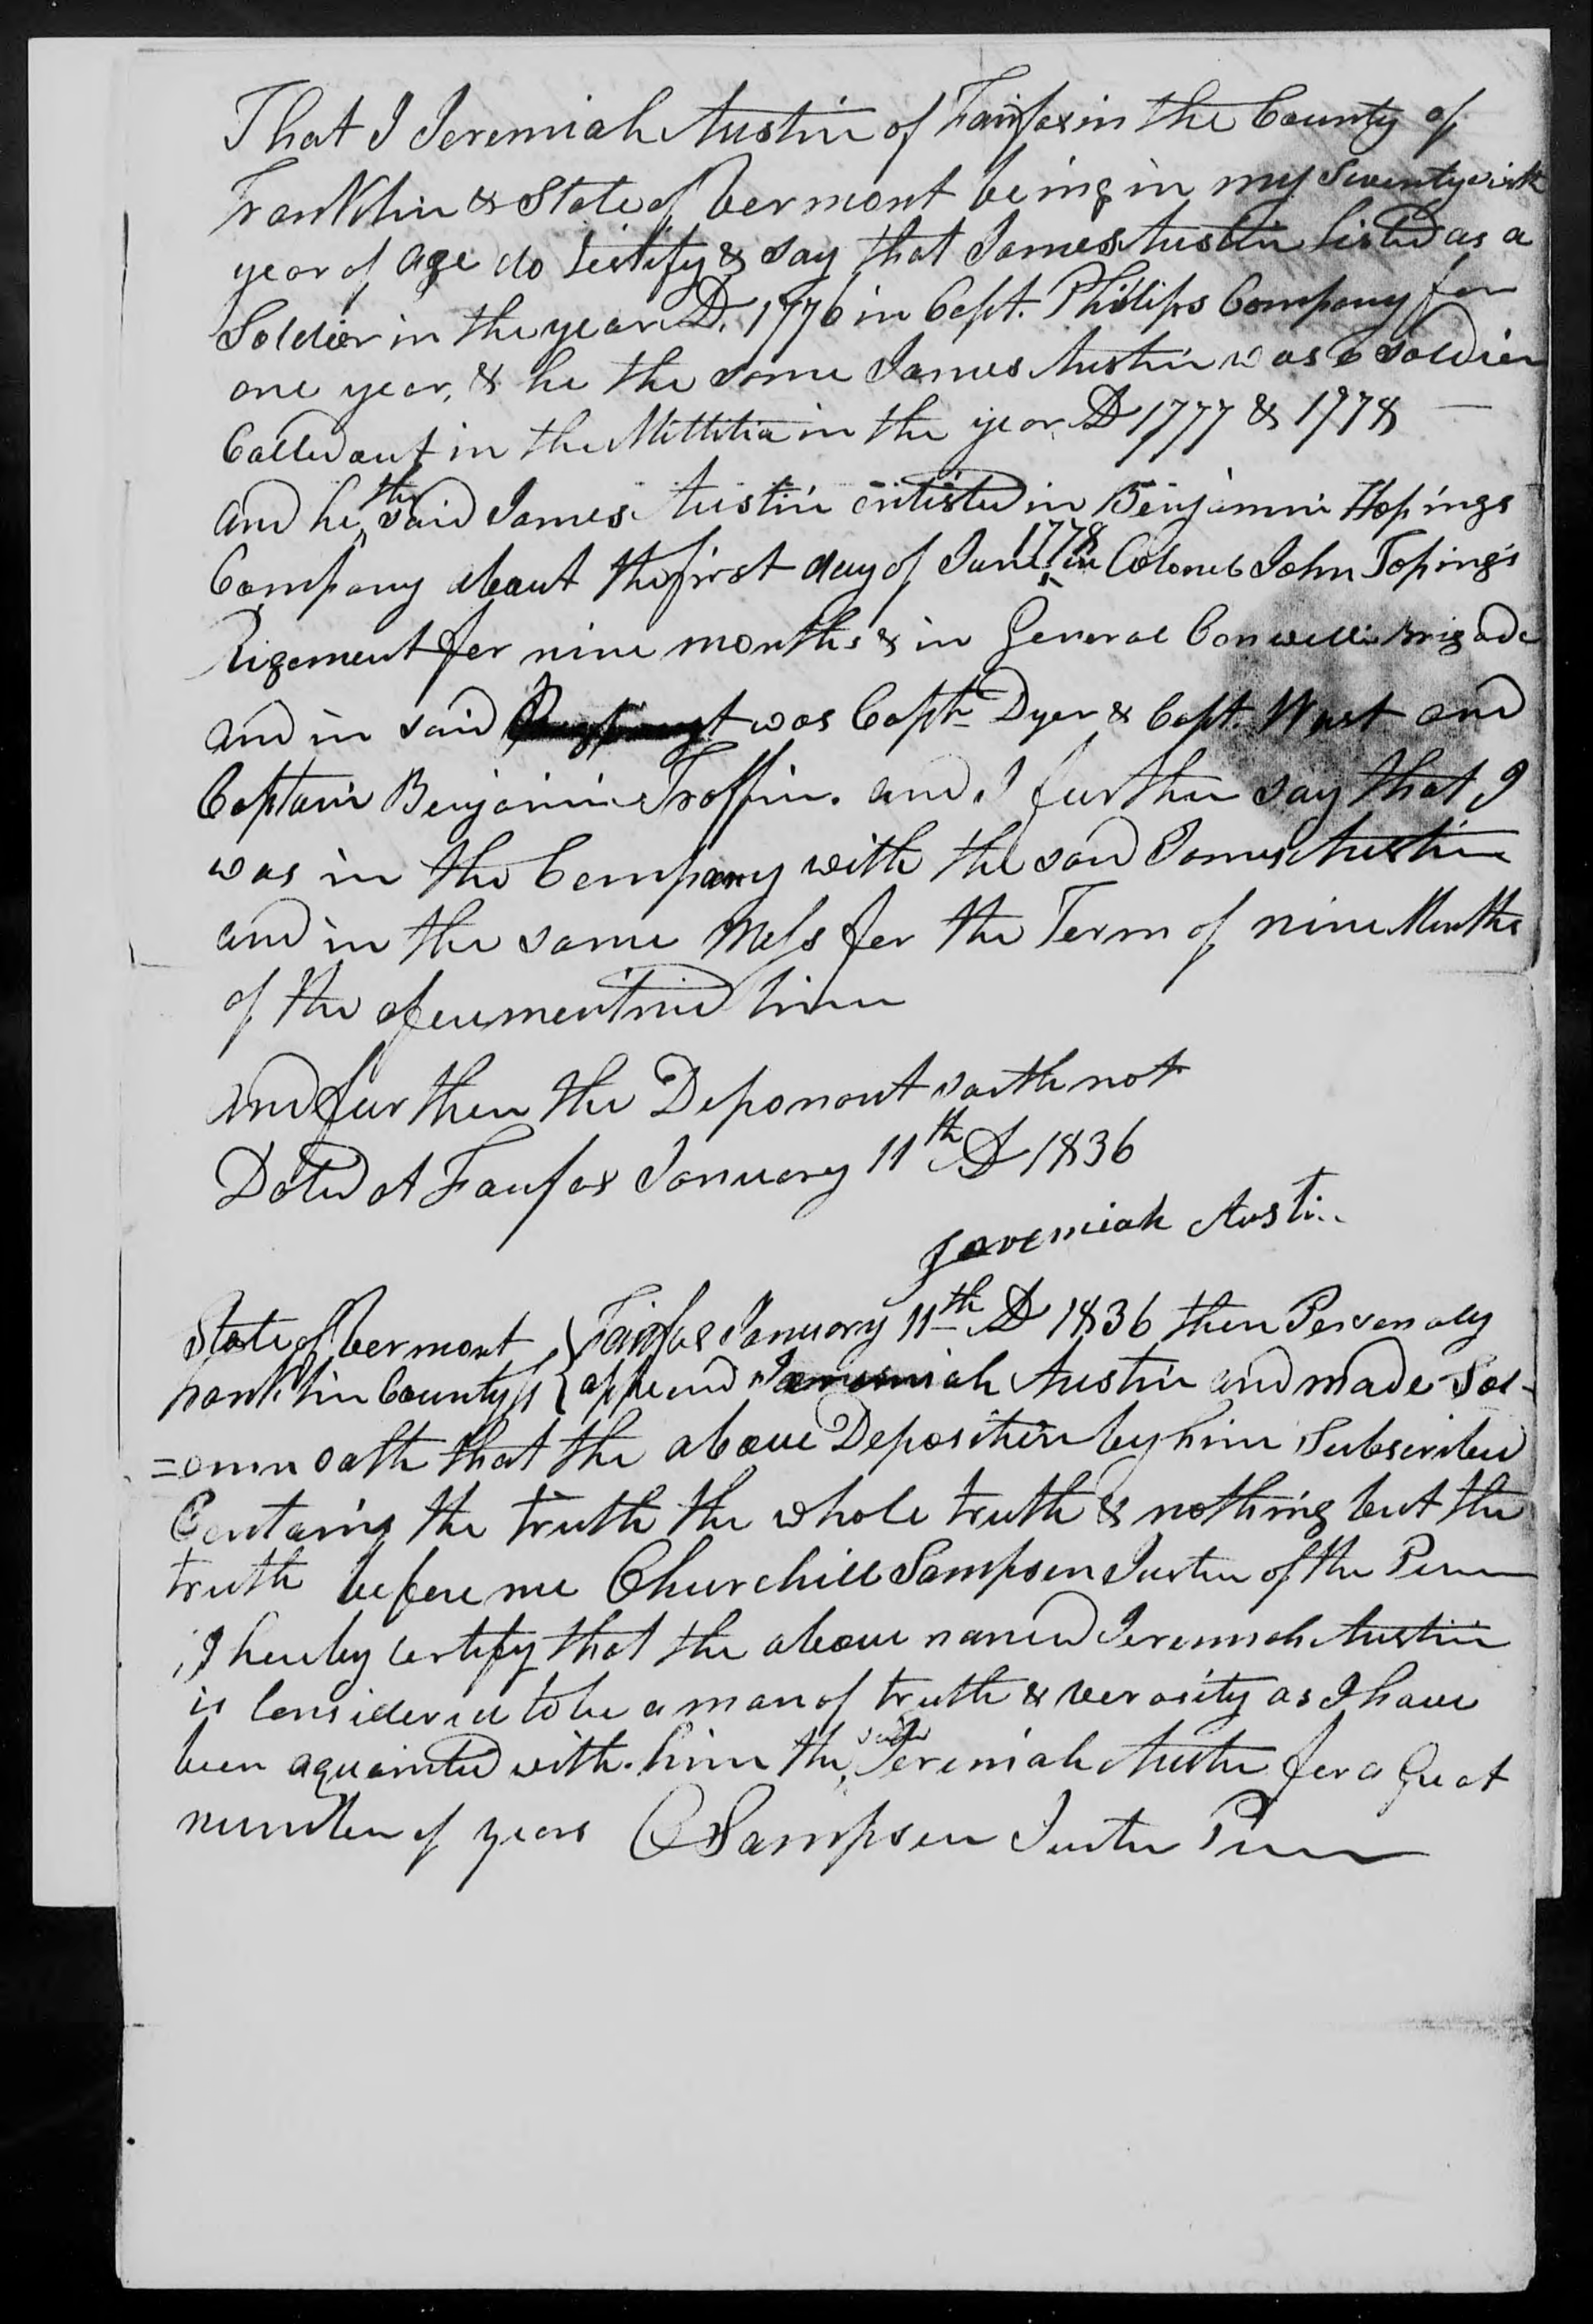That I Jeremiah Austin of Fairfax in the County of Franklin & State of Vermont being in my seventyith (sic) year of age do testify & say that James Arigade ustin listed as a soldier in the year AD. 1776 in Capt. Phillips Company for one year, & he the same James Austin was a soldier called out in the Millitia in the year AD 1777 & 1778 -- and he the said James Austin enlisted in Benjamin Hopings Company about the first day of June 1778 in Colonel John Toping's Regiment for nine months in General Cornwell's Brigade and in said [smudge] was Capt Dyer & Capt West and Captain Benjamin Troffin and further say that I was in the Company with the said James Austin and in the same mess [?] for the term of nine months of the aforementioned time
and further the Deponent saith not
Dated at Fairfax January 11th AD 1836
Jeremiah Austin [signature]

State of Vermont } Fairfax January 11th Franklin County ss } AD 1836 then Personally appeared Jeremiah Austin and made solemn oath that the above Deposition by him subscribed containg (sic) the truth the whole truth & nothing but the truth before me Churchill Sampson Justice of the Peace & hereby certify that the above named Jeremiah Austin is considered to be a man of truth & veracity as I have been aquainted with him the said Jeremiah Austin for a great number of years 
O Sampson Justice Peace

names: Jeremiah Austin, O Sampsen, James Austin, James Austin, Jeremiah Austin, James Austin, Benjamin Troffin, James Austin, Jeremiah Austin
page: 85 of 100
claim: survivor's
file: S 19186, James Austin, Conn. New York R.I.